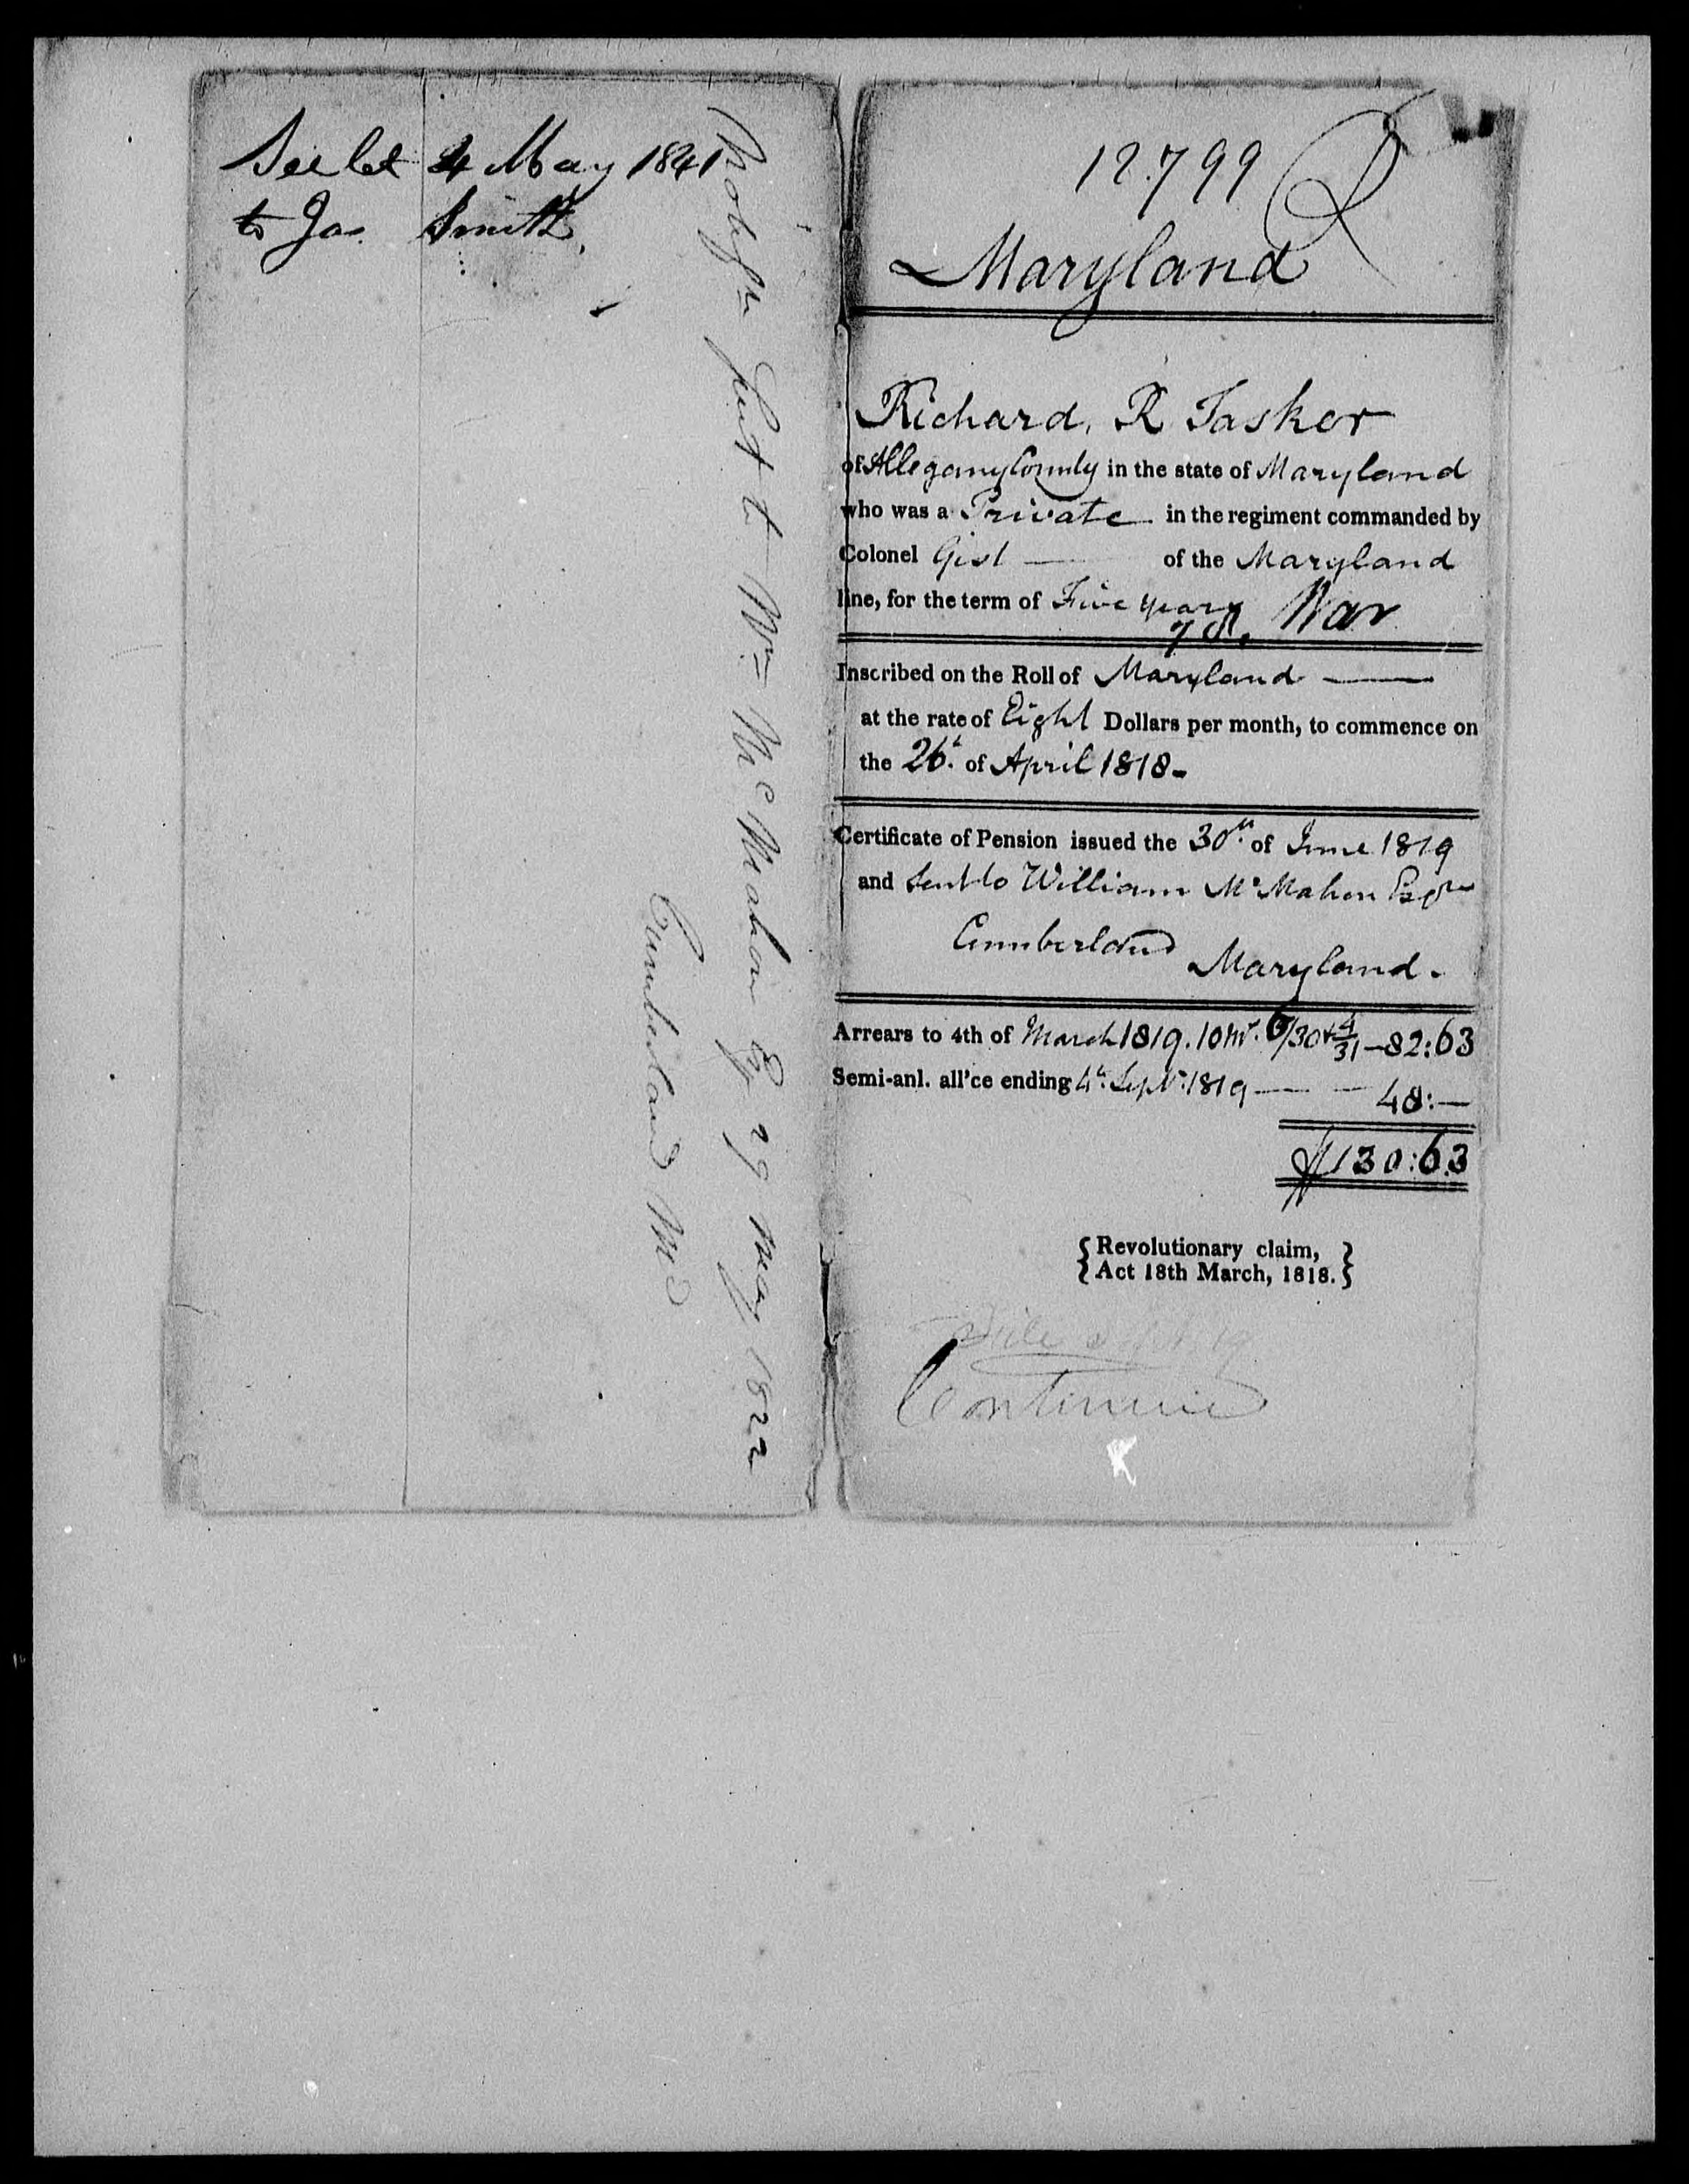See let 4 May 1841
to Jos. Smith
Notif'n sent to Wm McMahon Esq 9 May 1822
Cumberland Md

12799
Maryland
Richard R Tasker of Allegany County in the state of Maryland who was a Private in the regiment commanded by Colonel [illegible] of the Maryland Line, for the term of Five Years War
Inscribed on the Roll of Maryland ^7th^ at the rate of Eight Dollars per month, to commence on the 26th of April 1818.
Certificate of Pension issued the 30th of June 1819 and sent to William McMahon Esqr
Cumberland Maryland
Arrears to 4th of March 1819. 10mo. 6/30 + 4/31 — 82:63
Semi-anl. all'ce ending 4th Sept. 1819 — 48:00
[total] 130:63
{Revolutionary claim,}
{Act 18th March, 1818.}
[illegible]
Continue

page: 3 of 25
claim: survivor's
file: S. 35093, for Richard R Tasker, Maryland